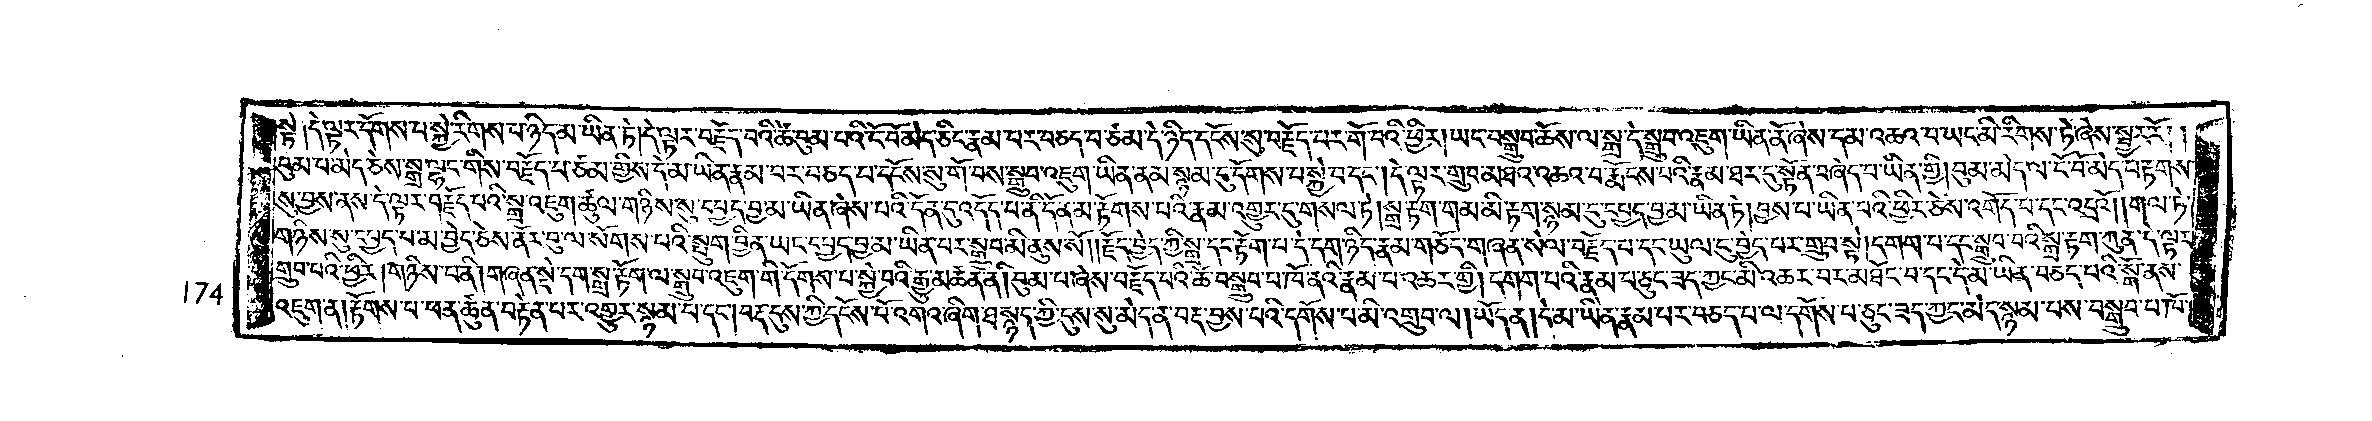སྟེ། དེ་ལྟར་དོགས་པ་སྐྱེ་རིགས་པ་ཉིད་མ་ཡིན་ཏེ། དེ་ལྟར་བརྗོད་པའི་ཚེ་བུམ་པའི་ངོ་བོ་མེད་ཅིང་རྣམ་པར་བཅད་པ་ཙམ་དེ་ཉིད་དངོས་སུ་བརྗོད་པར་གོ་བའི་ཕྱིར། ཡང་བསྒྲུབ་ཆོས་ལ་སྒྲ་དེ་སྒྲུབ་འཇུག་ཡིན་ནོ་ཞེས་དམ་འཆའ་བ་ཡང་མི་རིགས་ཏེ་ཞེས་སྦྱར་རོ། །
འུམ་པ་མེད་ཅེས་སྐྲ་ལྷང་གིས་བརྗོད་པ་ཙམ་གྱིས་དེ་མ་ཡིན་རྣམ་པར་བཅད་པ་དངོས་སུ་གོ་བས་སྒྲུབ་འཇུག་ཡིན་ནམ་སྙམ་དུ་དོགས་པ་སྐྱེ་བ་དང་། དེ་ལྟར་གྲུབ་མཐའ་འཚའ་བ་རྨོངས་པའི་རྣམ་ཐར་དུ་སྟོན་བཞེད་པ་ཡིན་གྱི། བུམ་མེད་ལ་ངོ་བོ་མེད་པ་རྟགས་
སུ་བྱས་ནས་དེ་ལྟར་བརྗོད་པའི་སྒྲ་འཇུག་ཚུལ་གཉིས་སུ་དཔྱད་བྱ་མ་ཡིན་ཞེས་པའི་དོན་དུ་འདོད་པ་ནི་དོན་མ་རྟོགས་པའི་རྣམ་འགྱུར་དུ་གསལ་ཏེ། སྒྲ་རྟག་གམ་མི་རྟག་སྙམ་དུ་དཔྱད་བྱ་མ་ཡིན་ཏེ། བྱས་པ་ཡིན་པའི་ཕྱིར་ཙེས་འགོད་པ་དང་འདྲའོ། །གལ་ཏེ་
གཉིས་སུ་དཔྱད་པ་མ་བྱེད་ཅེས་ནོར་བུ་ལ་སོགས་པའི་སྤུག་བྱིན་ཡང་དཔྱད་བྱ་མ་ཡིན་པར་སྒྲུབ་མི་ནུས་སོ། །རྗོད་བྱེད་ཀྱི་སྒྲ་དང་རྟོག་པ་དེ་དག་ཉིད་རྣམ་གཅོད་གཞན་སེལ་བརྗོད་པ་དང་ཡུལ་དུ་བྱེད་པར་གྲུབ་སྟེ། དགག་པ་དང་སྒྲུབ་པའི་སྒྲ་རྟག་ཀུན་དེ་ལྟར་
གྲུབ་པའི་ཕྱིར། གཉིས་པ་ནི། གཞན་སྡེ་དག་སྒྲ་རྟོག་ལ་སྒྲུབ་འཇུག་གི་དོགས་པ་སྐྱེ་བའི་རྒྱུ་མཚན་ནི། བུམ་པ་ཞེས་བརྗོད་པའི་ཚེ་བསྒྲུབ་པ་ཁོ་ནའི་རྣམ་པ་འཆར་གྱི། དགག་པའི་རྣམ་པ་ཅུང་ཟད་ཀྱང་མི་འཆར་བར་མཐོང་བ་དང་དེ་མ་ཡིན་བཅད་པའི་སྒོ་ནས་
འཇུག་ན། རྟོགས་པ་ཕན་ཚུན་བརྟེན་པར་འགྱུར་སྙམ་པ་དང་། བརྡ་དུས་ཀྱི་དངོས་པོ་འགའ་ཞིག་ཐ་སྙད་ཀྱི་དུས་སུ་མེད་ན་བརྡ་བྱས་པའི་དགོས་པ་མི་འགྲུབ་ལ། ཡོད་ན། དེ་མ་ཡིན་རྣམ་པར་བཅད་པ་ལ་དགོས་པ་ཅུང་ཟད་ཀྱང་མེད་སྙམ་པས་བསྒྲུབ་པ་ཁོ་